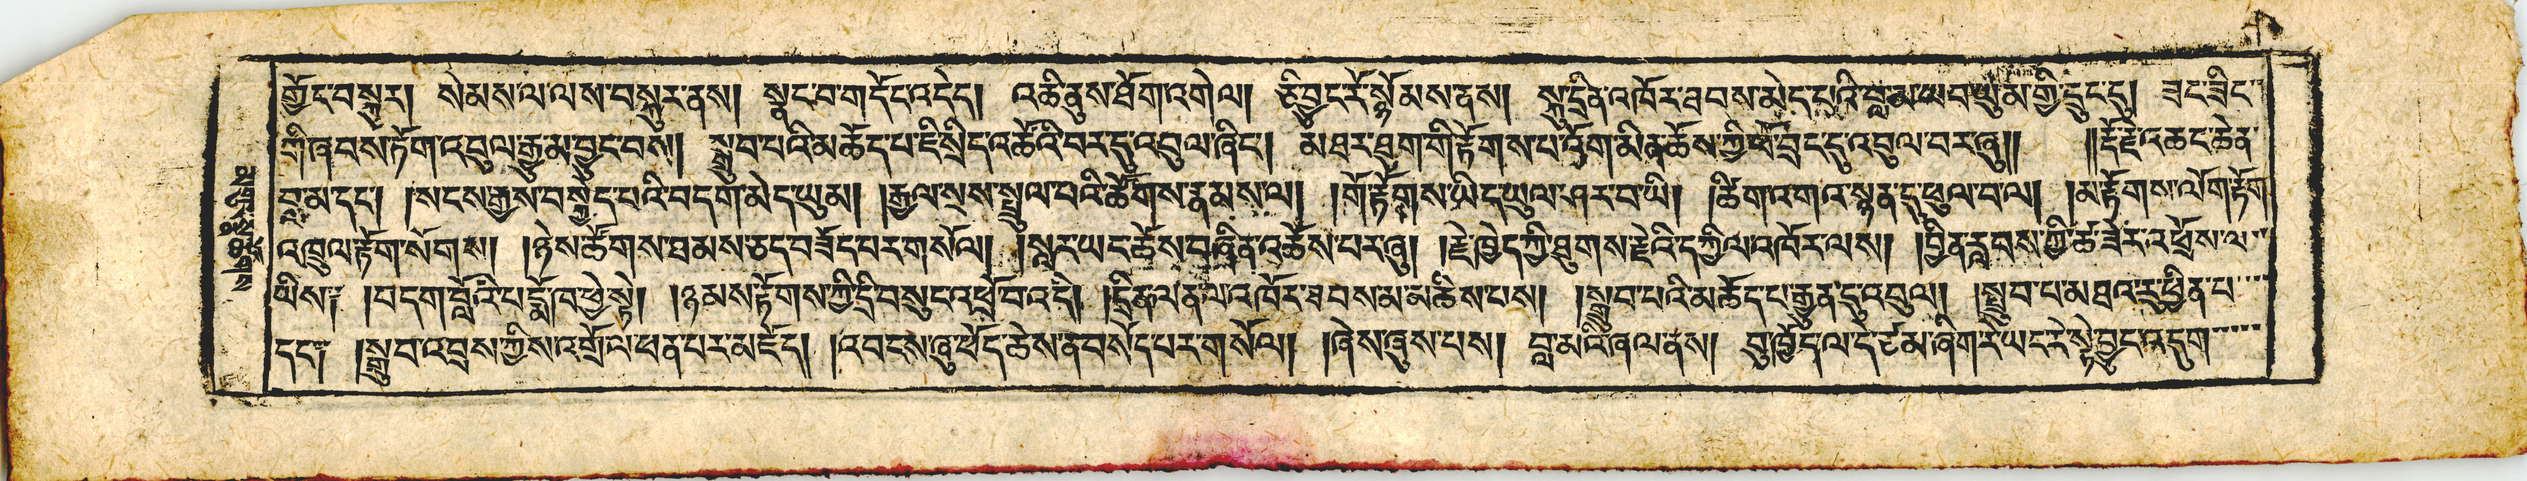གྱོང་བསྐུར། སེམས་ལ་ལས་བསྐུར་ནས། སྣང་བ་གདོང་འདེད། འཆི་ནུས་ཐོག་འགེལ། ཅི་བྱུང་རོ་སྙོམས་ནས། སྐུ་དྲིན་འཁོར་ཐབས་མེད་པའི་བླ་མ་ཡབ་ཡུམ་གྱི་དྲུང་དུ། ཟང་ཟིང་
གི་ཞབས་ཏོག་འབུལ་རྒྱུ་མ་བྱུང་བས། སྒྲུབ་པའི་མཆོད་པ་ཇི་སྲིད་འཚོའི་བར་དུ་འབུལ་ཞིང་། མཐར་ཐུག་གི་རྟོགས་པ་འོག་མིན་ཆོས་ཀྱི་ཕོ་བྲང་དུ་འབུལ་བར་ཞུ།། །།རྡོ་རྗེ་འཆང་ཆེན་
བླ་མ་དང་། །སངས་རྒྱས་བསྐྱེད་པའི་བདག་མེད་ཡུམ། །རྒྱལ་སྲས་སྤྲུལ་པའི་ཚོགས་རྣམས་ལ། །གོ་རྟོགས་ཡིད་ཡུལ་ཤར་བ་ཡི། །ཚིག་འགའ་སྙན་དུ་ཕུལ་བ་ལ། །མ་རྟོགས་ལོག་རྟོག་
འཁྲུལ་རྟོག་སོགས། །ཉེས་ཚོགས་ཐམས་ཅད་བཟོད་པར་གསོལ། །སླར་ཡང་ཆོས་བཞིན་འཆོས་པར་ཞུ། །རྗེ་ཁྱེད་ཀྱི་ཐུགས་རྗེའི་དཀྱིལ་འཁོར་ལས། །བྱིན་རླབས་ཀྱི་ཚ་ཟེར་འཕྲོས་ལ་
ཡིས༑ །བདག་བློའི་པདྨོ་ཁ་ཕྱེ་སྟེ། །ཉམས་རྟོགས་ཀྱི་དྲི་བསུང་འཕྲོ་བ་འདི། །དྲིན་ལན་ལ་འཁོར་ཐབས་མ་མཆིས་པས། །སྒྲུབ་པའི་མཆོད་པ་རྒྱུན་དུ་འབུལ། །སྒྲུབ་པ་མཐའ་རུ་ཕྱིན་པ་
དང་། །སྒྲུབ་འབྲས་ཀྱིས་འགྲོ་ལ་ཕན་པར་མཛོད། །འབངས་ཞུ་ཕོད་ཆེས་ན་བཟོད་པར་གསོལ། །ཞེས་ཞུས་པས། བླ་མའི་ཞལ་ནས། བུ་ཁྱོད་ལ་དེ་ཙམ་ཞིག་རེ་ཡང་རེ་སྟེ་བྱུང་འདུག་